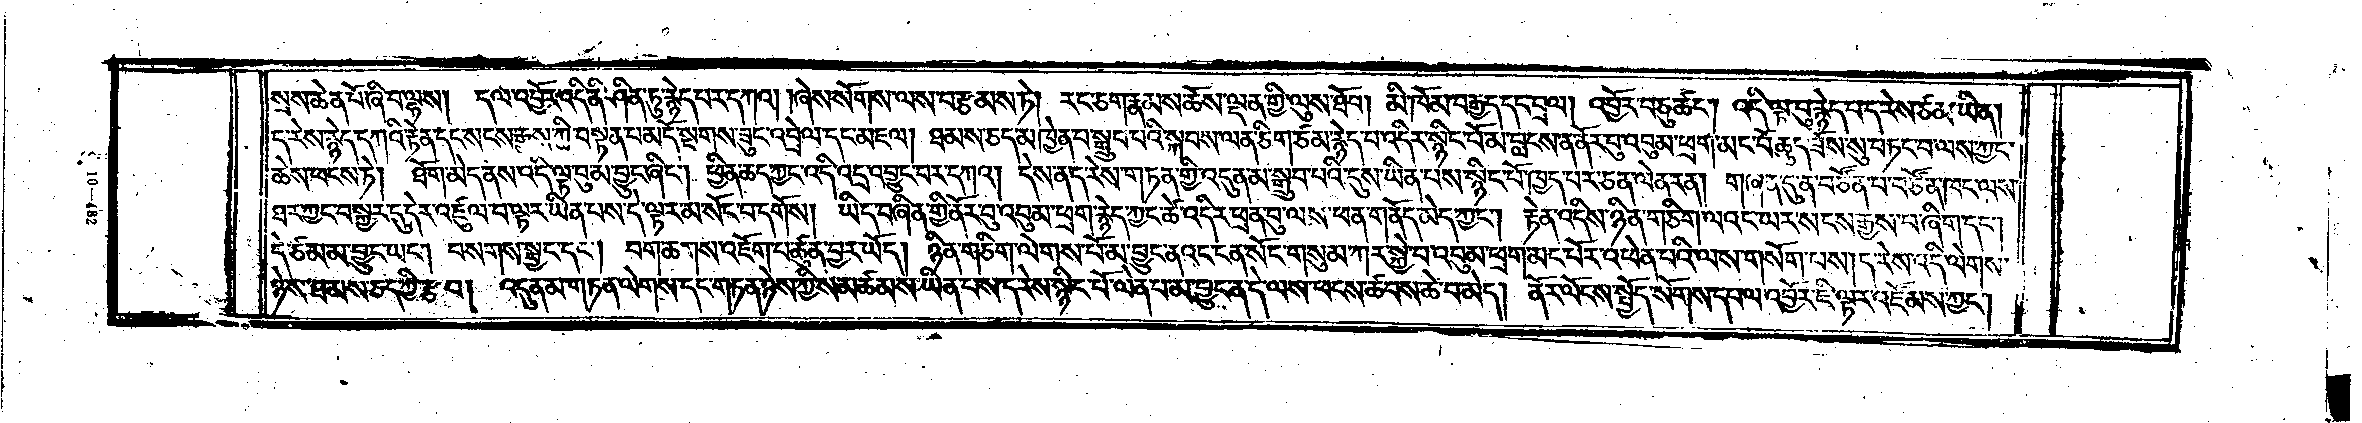སྲས་ཆེན་པོ་ཞི་བ་ལྷས། དལ་འབྱོར་འདི་ནི་ཤིན་ཏུ་རྙེད་པར་དཀའ། །ཞེས་སོགས་ལས་བརྩམས་ཏེ། རང་ཅག་རྣམས་ཆོས་ལྡན་གྱི་ལུས་ཐོབ། མི་ཁོམ་བརྒྱད་དང་བྲལ། འབྱོར་བཅུ་ཚང་། འདི་ལྟ་བུ་རྙེད་པ་ད་རེས་ཙམ་ཡིན།
ད་རེས་རྙེད་དཀའི་རྟེན་དང་སངས་རྒྱས་ཀྱི་བསྟན་པ་མདོ་སྔགས་ཟུང་འབྲེལ་དང་མཇལ། ཐམས་ཅད་མཁྱེན་པ་སྒྲུབ་པའི་སྐབས་ལན་ཅིག་ཙམ་རྙེད་པ་འདིར་སྙིང་པོ་མ་བླངས་ན་ནོར་བུ་འབུམ་ཕྲག་མང་པོ་ཆུད་ཟོས་སུ་བཏང་བ་ལས་ཀྱང་
ཆོས་ཕངས་ཏེ། ཐོག་མེད་ནས་འདི་ལྟ་བུ་མ་བྱུང་ཞིང་། ཕྱིན་ཆད་ཀྱང་འདི་འདྲ་འབྱུང་བར་དཀའ། དེས་ན་ད་རེས་གཏན་གྱི་འདུན་མ་སྒྲུབ་པའི་དུས་ཡིན་པས་སྙིང་པོ་ཁྱད་པར་ཅན་ལེན་རན། གཞན་དུ་ན་བཙོན་པ་བཙོན་ཁང་ལས་
ཐར་ཀྱང་བསྐྱར་དུ་དེར་འཛུལ་བ་ལྟར་ཡིན་པས་དེ་ལྟར་མ་སོང་བ་དགོས། ཡིད་བཞིན་གྱི་ནོར་བུ་འབུམ་ཕྲག་རྙེད་ཀྱང་ཚེ་འདིར་ཕྲན་བུ་ལས་ཕན་གནོད་མེད་ཀྱང་། རྟེན་འདིས་ཉིན་གཅིག་ལའང་ཡར་སངས་རྒྱས་པ་ཞིག་དང་།
དེ་ཙམ་མ་བྱུང་ཡང་། བསགས་སྦྱང་དང་། བག་ཆགས་འཇོག་པ་ཚུན་བྱར་ཡོད། ཉིན་གཅིག་ལེགས་པོ་མ་བྱུང་ནའང་ངན་སོང་གསུམ་ཀར་སྐྱེ་བ་འབུམ་ཕྲག་མང་པོར་འཕེན་པའི་ལས་གསོག་པས། ད་རེས་འདི་ལེགས་
ཉེས་ཐམས་ཅད་ཀྱི་རྩ་བ། འདུན་མ་གཏན་ལེགས་དང་གཏན་ཉེས་ཀྱི་ས་མཚམས་ཡིན་པས་ད་རེས་སྙིང་པོ་ལེན་པ་མ་བྱུང་ན་དེ་ལས་ཕངས་ཚབས་ཆེ་བ་མེད། ནོར་ལོངས་སྤྱོད་སོགས་དཔལ་འབྱོར་ཇི་ལྟར་འཛོམས་ཀྱང་།